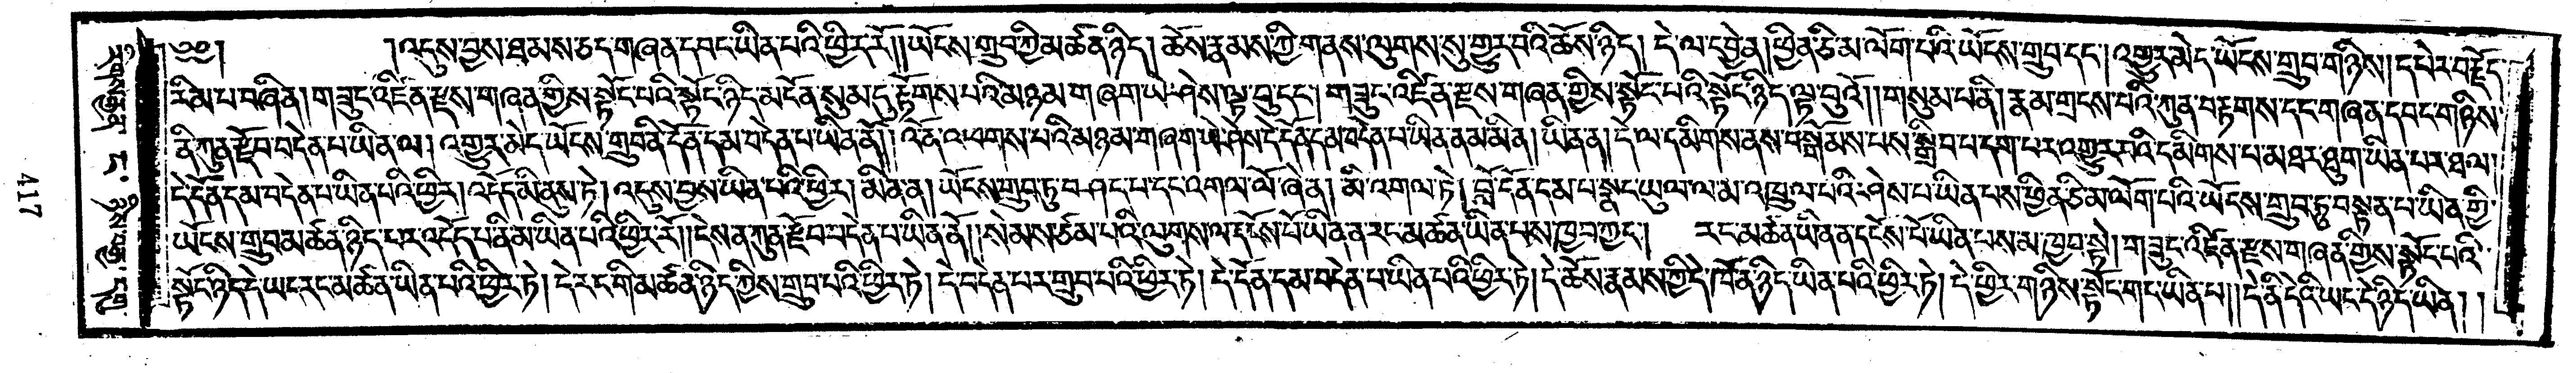༄༅། །འདུས་བྱས་ཐམས་ཅད་གཞན་དབང་ཡིན་པའི་ཕྱིར་རོ། །ཡོངས་གྲུབ་ཀྱི་མཚན་ཉིད། ཆོས་རྣམས་ཀྱི་གནས་ལུགས་སུ་གྱུར་པའི་ཆོས་ཉིད། དེ་ལ་དབྱེ་ན། ཕྱིན་ཅི་མ་ལོག་པའི་ཡོངས་གྲུབ་དང་། འགྱུར་མེད་ཡོངས་གྲུབ་གཉིས། དཔེར་བརྗོད་
རིམ་པ་བཞིན། གཟུང་འཛིན་རྫས་གཞན་གྱིས་སྟོང་པའི་སྟོང་ཉིད་མངོན་སུམ་དུ་རྟོགས་པའི་མཉམ་གཞག་ཡེ་ཤེས་ལྟ་བུ་དང་། གཟུང་འཛིན་རྫས་གཞན་གྱིས་སྟོང་པའི་སྟོང་ཉིད་ལྟ་བུའོ། །གསུམ་པ་ནི། རྣམ་གྲངས་པའི་ཀུན་བརྟགས་དང་གཞན་དབང་གཉིས་
ནི་ཀུན་རྫོབ་བདེན་པ་ཡིན་ལ། འགྱུར་མེད་ཡོངས་གྲུབ་ནི་དོན་དམ་བདེན་པ་ཡིན་ནོ། །འོ་ན་འཕགས་པའི་མཉམ་གཞག་ཡེ་ཤེས་དེ་དོན་དམ་བདེན་པ་ཡིན་ནམ་མིན། ཡིན་ན། དེ་ལ་དམིགས་ནས་བསྒོམས་པས་སྒྲིབ་པ་དག་པར་འགྱུར་བའི་དམིགས་པ་མཐར་ཐུག་ཡིན་པར་ཐལ།
དེ་དོན་དམ་བདེན་པ་ཡིན་པའི་ཕྱིར། འདོད་མི་ནུས་ཏེ། འདུས་བྱས་ཡིན་པའི་ཕྱིར། མིན་ན། ཡོངས་གྲུབ་ཏུ་བཤད་པ་དང་འགལ་ལོ་ཞེ་ན། མི་འགལ་ཏེ། བློ་དོན་དམ་པ་སྣང་ཡུལ་ལ་མ་འཁྲུལ་བའི་ཤེས་པ་ཡིན་པས་ཕྱིན་ཅི་མ་ལོག་པའི་ཡོངས་གྲུབ་ཏུ་བསྟན་པ་ཡིན་གྱི་
ཡོངས་གྲུབ་མཚན་ཉིད་པར་འདོད་པ་ནི་མ་ཡིན་པའི་ཕྱིར་རོ། །དེས་ན་ཀུན་རྫོབ་བདེན་པ་ཡིན་ནོ། །སེམས་ཙམ་པའི་ལུགས་ལ་དངོས་པོ་ཡིན་ན་རང་མཚན་ཡིན་པས་ཁྱབ་ཀྱང་། རང་མཚན་ཡིན་ན་དངོས་པོ་ཡིན་པས་མ་ཁྱབ་སྟེ། གཟུང་འཛིན་རྫས་གཞན་གྱིས་སྟོང་པའི་
སྟོང་ཉིད་དེ་ཡང་རང་མཚན་ཡིན་པའི་ཕྱིར་ཏེ། དེ་རང་གི་མཚན་ཉིད་ཀྱིས་གྲུབ་པའི་ཕྱིར་ཏེ། དེ་བདེན་པར་གྲུབ་པའི་ཕྱིར་ཏེ། དེ་དོན་དམ་བདེན་པ་ཡིན་པའི་ཕྱིར་ཏེ། དེ་ཆོས་རྣམས་ཀྱི་དེ་ཁོ་ན་ཉིད་ཡིན་པའི་ཕྱིར་ཏེ། དེ་ཕྱིར་གཉིས་སྟོང་གང་ཡིན་པ། །དེ་ནི་དེའི་ཡང་དེ་ཉིད་ཡིན། །